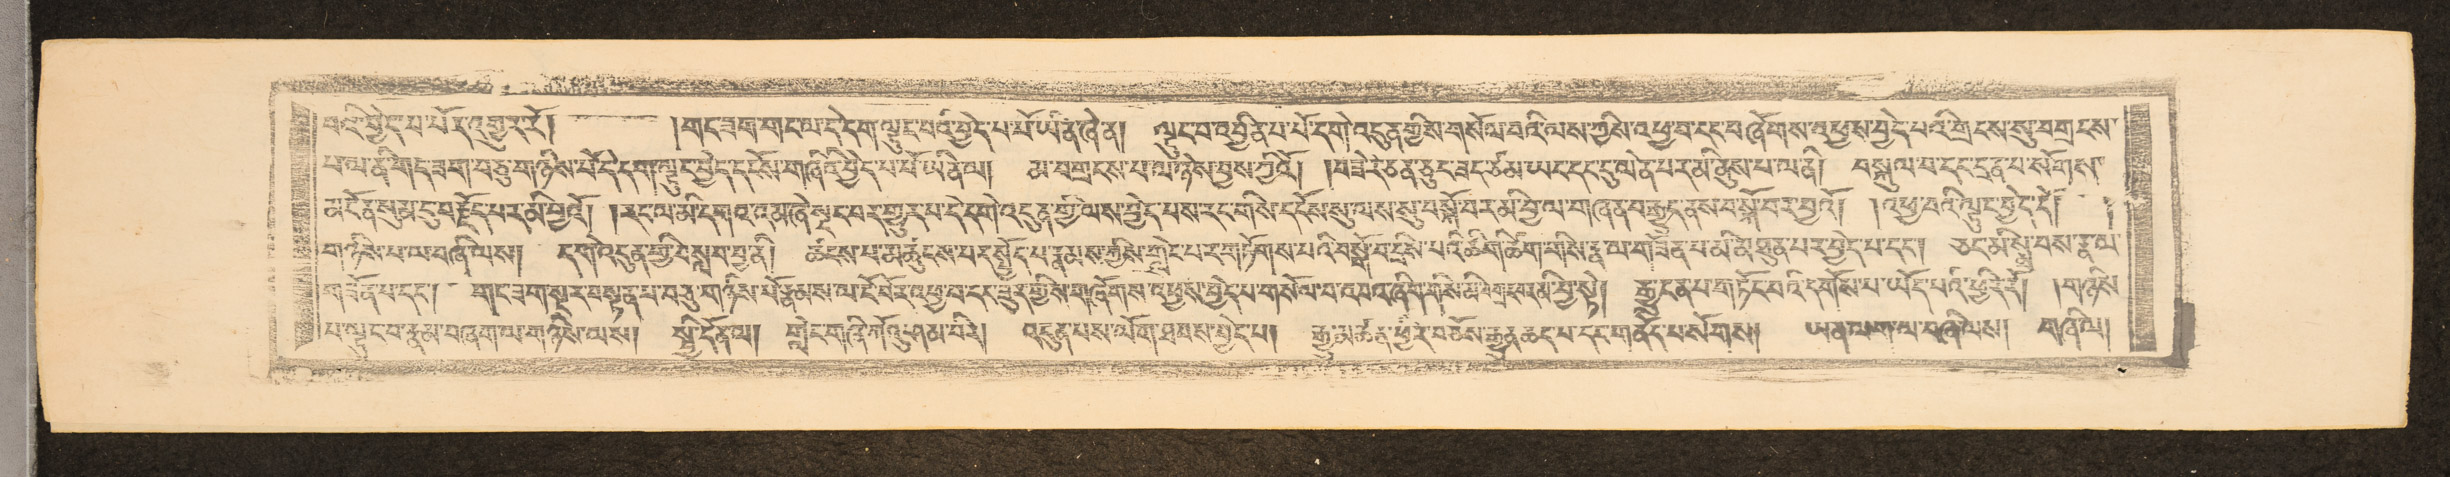བའི་བྱེད་པ་པོར་འགྱུར་རོ། །གང་ཟག་གང་ལ་དེ་དག་ལྟུང་བའི་བྱེད་པ་པོ་ཡིན་ཞེ་ན། ལྟུང་བ་འབྱིན་པ་པོ་དགེ་འདུན་གྱིས་གསོལ་བའི་ལས་ཀྱིས་འཕྱ་བ་དང་བཞོགས་འཕྱས་བྱེད་པའི་གྲངས་སུ་བགྲངས་
པ་ལ་ནི་གང་ཟག་བཅུ་གཉིས་པོ་དེ་དག་ལྟུང་བྱེད་དངོས་གཞིའི་བྱེད་པ་པོ་ཡིན་ལ། མ་བགྲངས་པ་ལ་ཉེས་བྱས་ཀྱིའོ། །བཟེ་རེ་ཅན་ཅུང་ཟད་ཙམ་ཡང་དང་དུ་ལེན་པར་མི་ནུས་པ་ལ་ནི། བསྐུལ་བ་དང་དྲན་པ་སོགས་
མངོན་སུམ་དུ་བརྗོད་པར་མི་བྱའོ། །རང་ལ་མི་དགའ་འམ་ཞེ་སྡང་བར་གྱུར་པ་དེ་དགེ་འདུན་གྱི་ལས་བྱེད་པས་རང་གིས་དངོས་སུ་ལས་སུ་བསྐོ་བར་མི་བྱ་ལ་གཞན་བརྒྱུད་ནས་བསྐོ་བར་བྱའོ། །འཕྱ་བའི་ལྟུང་བྱེད་དོ། །
གཉིས་པ་ལ་བཞི་ལས། དགེ་འདུན་གྱི་བསླབ་བྱ་ནི། ཚངས་པ་མཚུངས་པར་སྤྱོད་པ་རྣམས་ཀྱིས་གླེང་བར་གཏོགས་པའི་བསྒོ་བ་དྲིས་པའི་ཚིག་ཚིག་གིས་རྣ་ལ་གཟན་པ་མི་མཐུན་པར་བྱེད་པ་དང་། ཅང་མི་སྨྲ་བས་རྣ་ལ་
གཟོན་པ་དང་། གང་ཟག་སྔར་བསྟན་པ་བཅུ་གཉིས་པོ་རྣམས་ལ་ངོ་བོར་འཕྱ་བ་དང་ཟུར་གྱིས་གཞོགས་འཕྱས་བྱེད་པ་གསོལ་བ་འབའ་ཞིག་གིས་མི་བགྲང་བར་མི་བྱ་སྟེ། རྒྱུ་ངན་བ་གཏོང་བའི་དགོས་པ་ཡོད་པའི་ཕྱིར་རོ། །གཉིས་
པ་ལྟུང་བ་རྣམ་བཞག་ལ་གཉིས་ལས། སྤྱི་དོན་ལ། གླེང་གཞི་ཀོའུ་ཤམ་བིར། འདུན་པས་ལོག་ཐབས་བྱེད་པ། རྒྱུ་མཚན་ཕྱིར་བཅོས་རྒྱུན་ཆད་པ་དང་གནོད་པ་སོགས། ཡན་ལག་ལ་བཞི་ལས། གཞི་ལ།